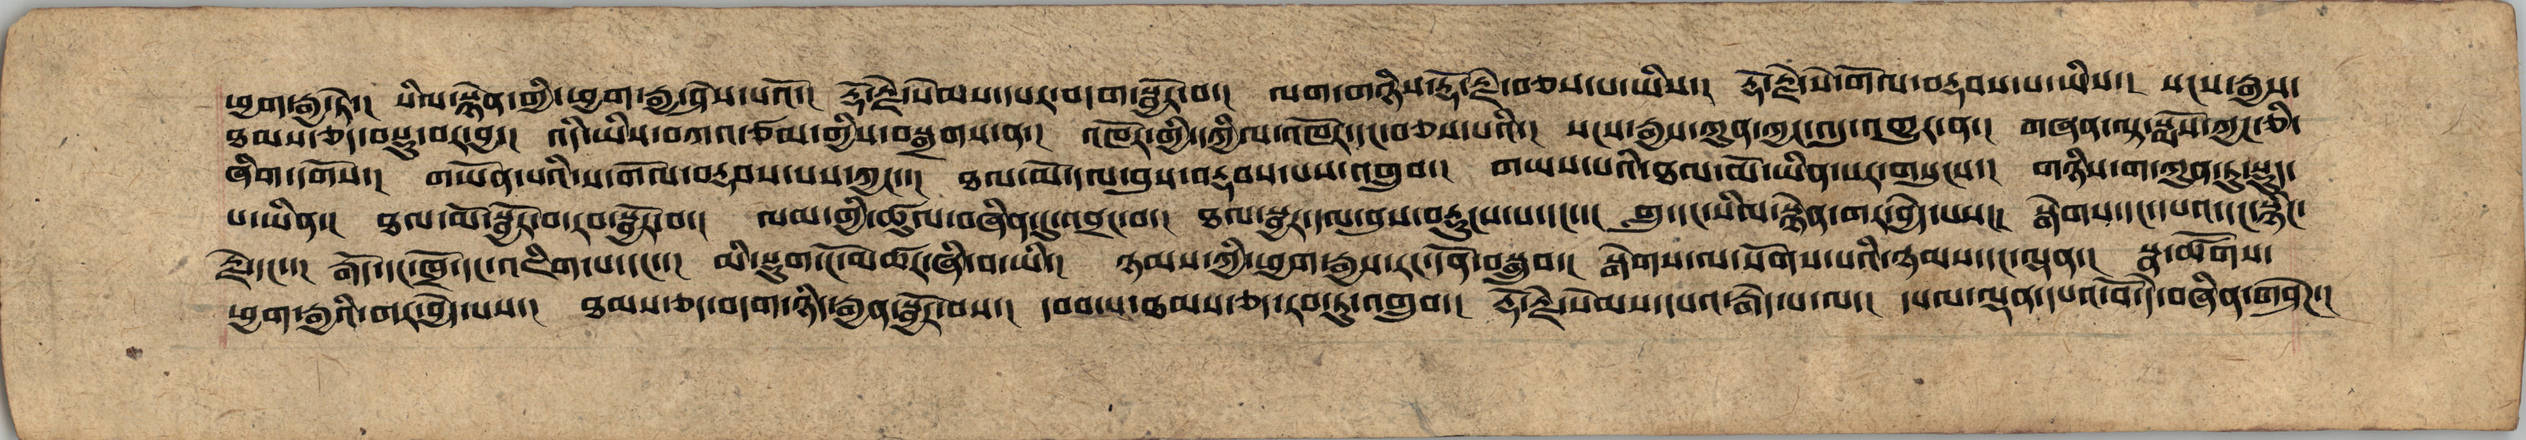ཕྱག་རྒྱ་ཏེ་། སིལ་སྙེན་གྱི་ཕྱག་རྒྱ་ཤེས་པའོ་། རྡོ་རྗེ་སེམས་དཔར་བདག་སྦྱོར་བ་། ལག་གཉིས་རྡོ་རྗེ་བཅས་པ་ཡིས་། རྡོ་རྗེ་སེ་གོལ་བརྡབས་པ་ཡིས་། སངས་རྒྱས་
ཐམས་ཅད་བསྡུ་བར་བྱ་། འདི་ཡིས་བཀའ་ཙམ་གྱིས་བསྒྲགས་ན་། འཁོར་གྱི་དཀྱིལ་འཁོར་དང་བཅས་པའི་། སངས་རྒྱས་ཀུན་ཀྱང་འདུ་འགྱུར་ན་། གཞན་ལྟ་སྨོས་ཀྱང་ཅི་
ཞིག་དགོས་། གཡོན་པའི་ས་གོལ་བརྡབས་པས་ཀྱང་་། ཐལ་མོ་དལ་བུས་བརྡབས་པས་འགྲུབ་། གཡས་པའི་ཐལ་མོ་ཡིན་པར་གསུངས་། གཉིས་ག་ཀུན་ཏུ་སྡུད་
པ་ཡིན་། ཐལ་མོ་སྦྱོར་བ་རབ་སྦྱོར་བ་། ལམ་གྱི་ཚུལ་བཞིན་དུ་འབྲང་བ་། ཐལ་སྦྱར་དལ་བུས་བརྡུངས་པ་དང་་། གླུ་དང་སིལ་སྙེན་གར་བྱེད་པས་། སྒེགས་དང་དཔའ་དང་སྙིང་
རྗེ་དང་། རྒོད་དང་ཁྲོ་དང་འཇིག་པ་དང་་། མི་སྡུག་ངོ་མཚར་ཞི་བ་ཡི་། ཉམས་ཀྱི་ཕྱག་རྒྱས་རང་དོན་བསྒྲུབ་། སྒེགས་ལ་སོགས་པའི་ཉམས་དང་ལྡན་། སྣ་ཚོགས་
ཕྱག་རྒྱའི་གར་བྱེད་པས་། ཐམས་ཅད་བདག་ཉིད་རྒྱན་སྦྱོར་བས་། དབབ་པ་ཐམས་ཅད་རབ་ཏུ་འགྲུབ་། རྡོ་རྗེ་སེམས་དཔའ་རྨེད་པ་ལ་། དཔལ་ལྡན་དཔའ་བོ་དེ་བཞིན་གཤེཌ་།